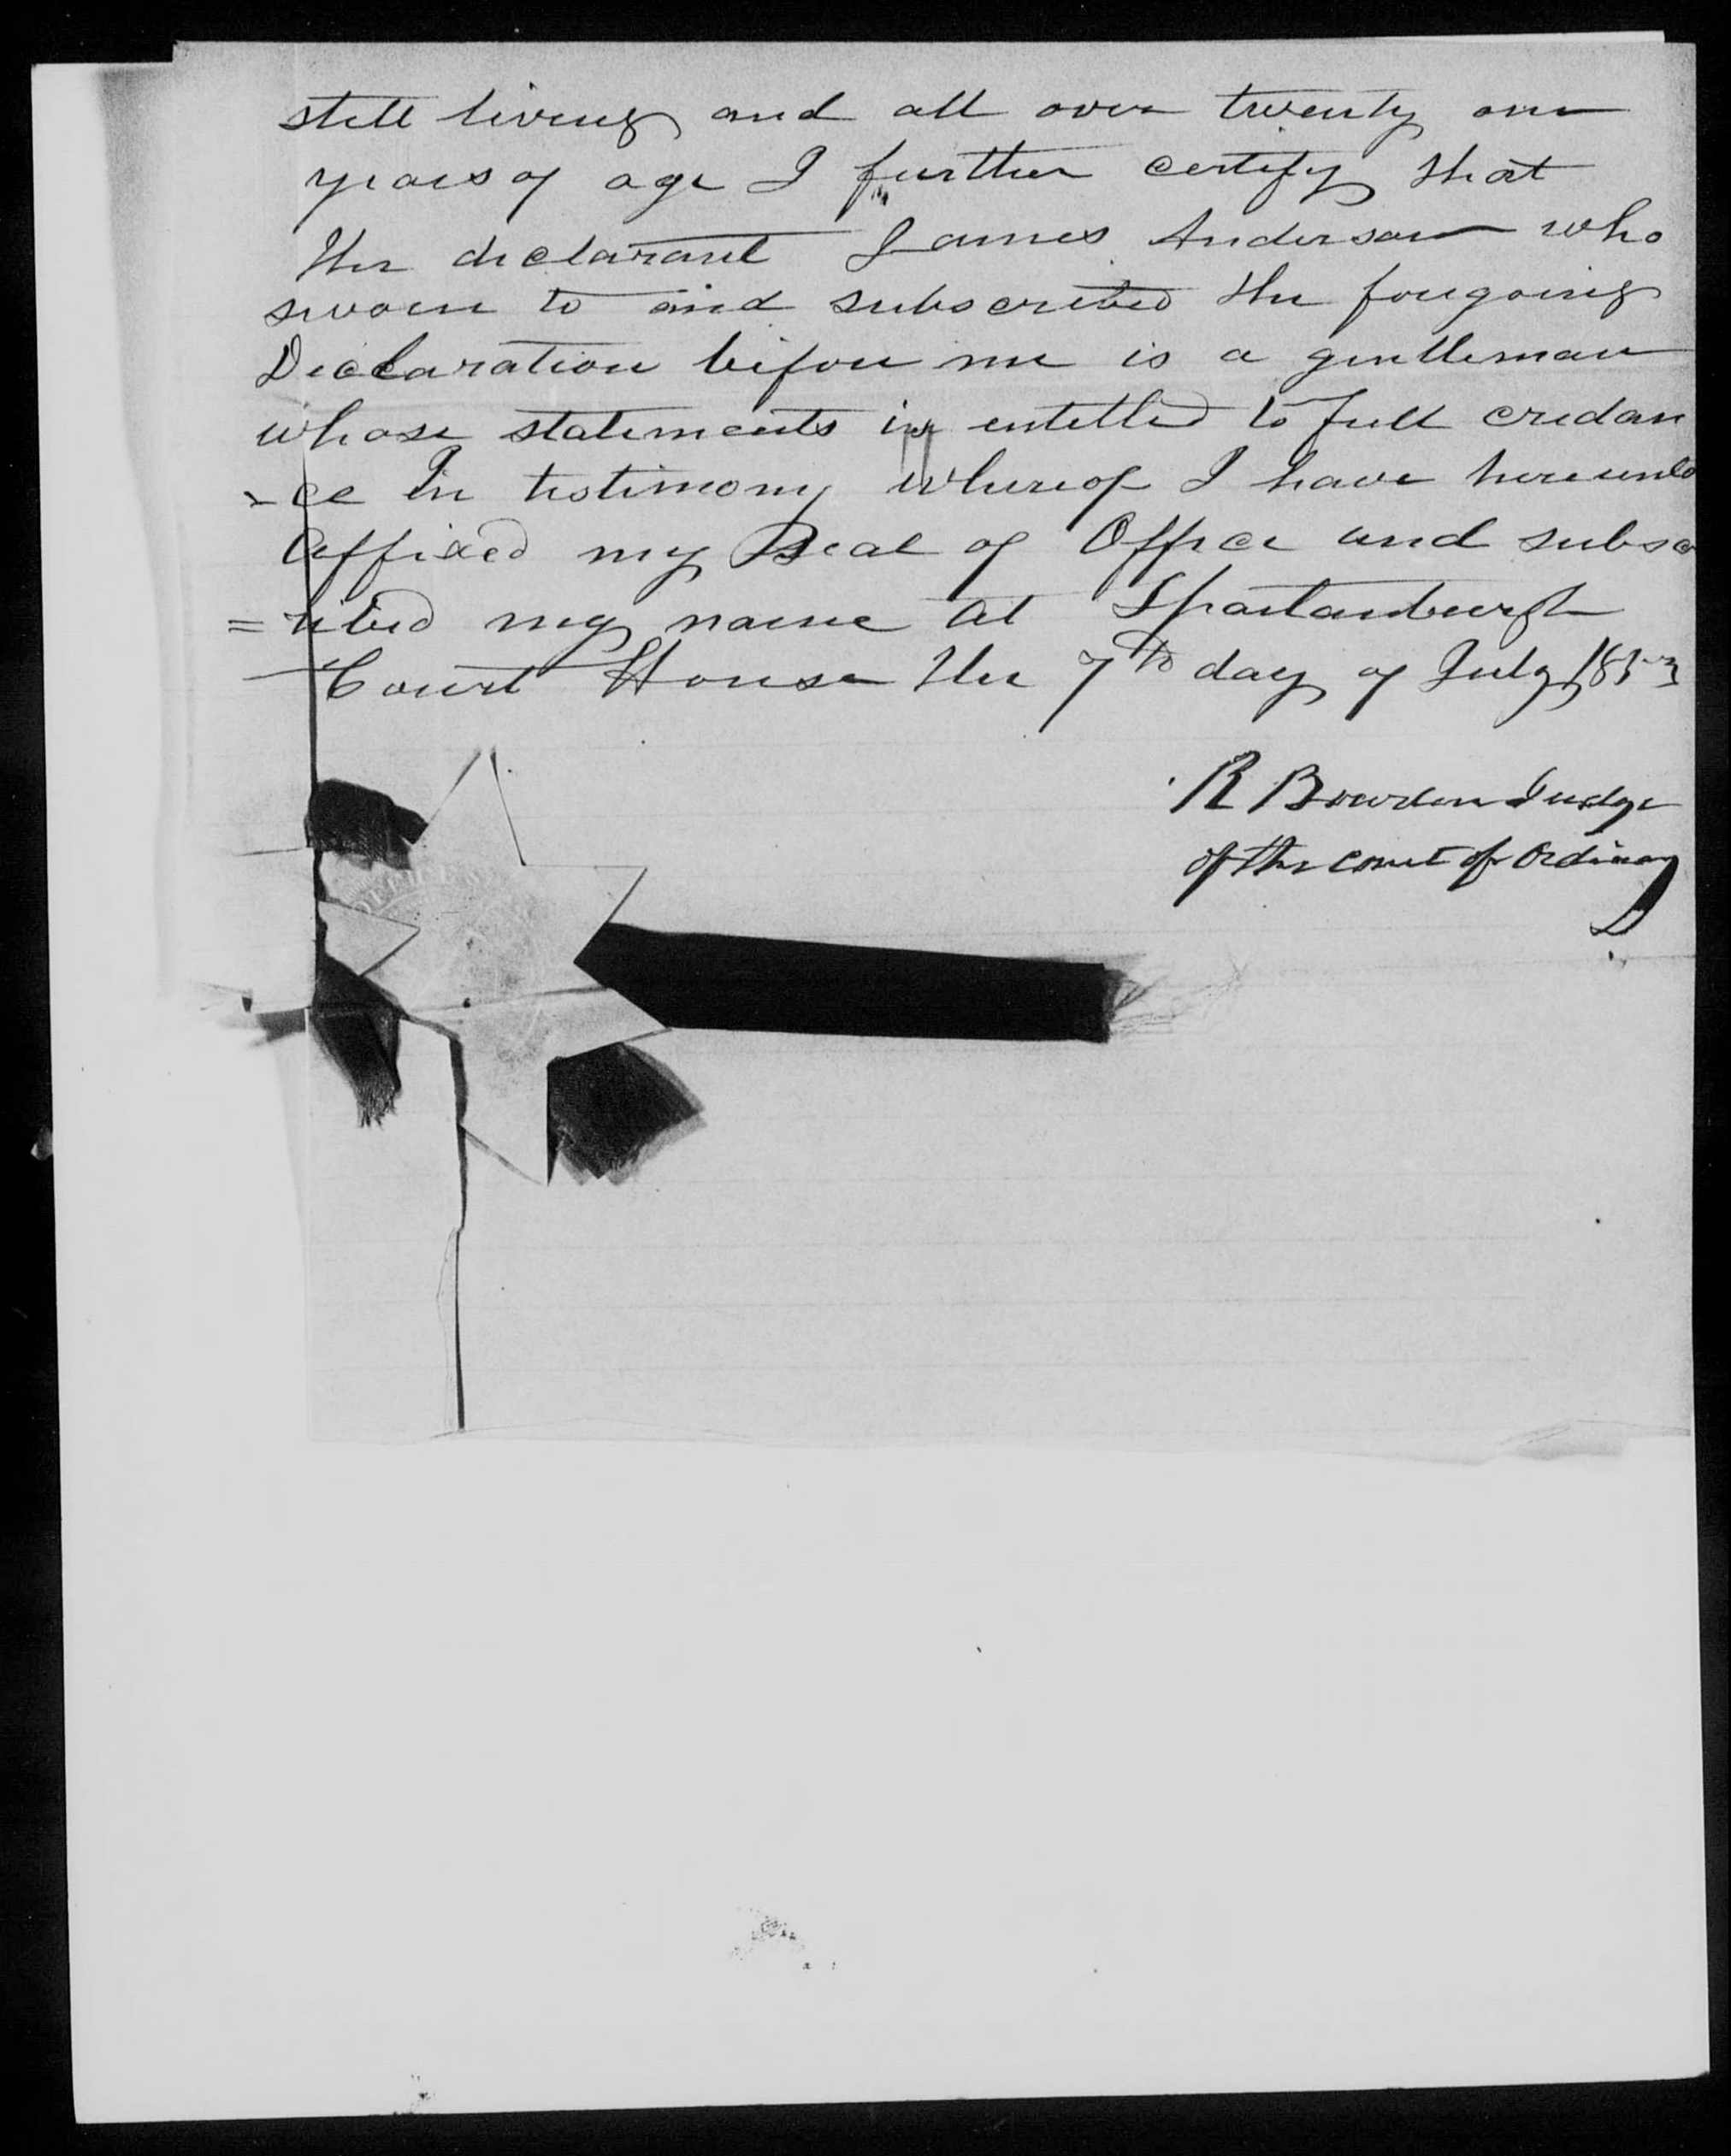still living and all over twenty one years of age I further certify that his declarant James Anderson who sworn to and subscribed the foregoing Declaration before me is a gentleman whose statements is entitled to full credence
In testimony whereof I have hereunto affixed my seal of Office and subscribed my name at Spartanburgh Court House the 7th day of July 1853
R Bowden Judge
of the court of ordinary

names: R Bowden, James Anderson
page: 16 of 51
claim: widow's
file: W. 9700, Denney Anderson, S.C.